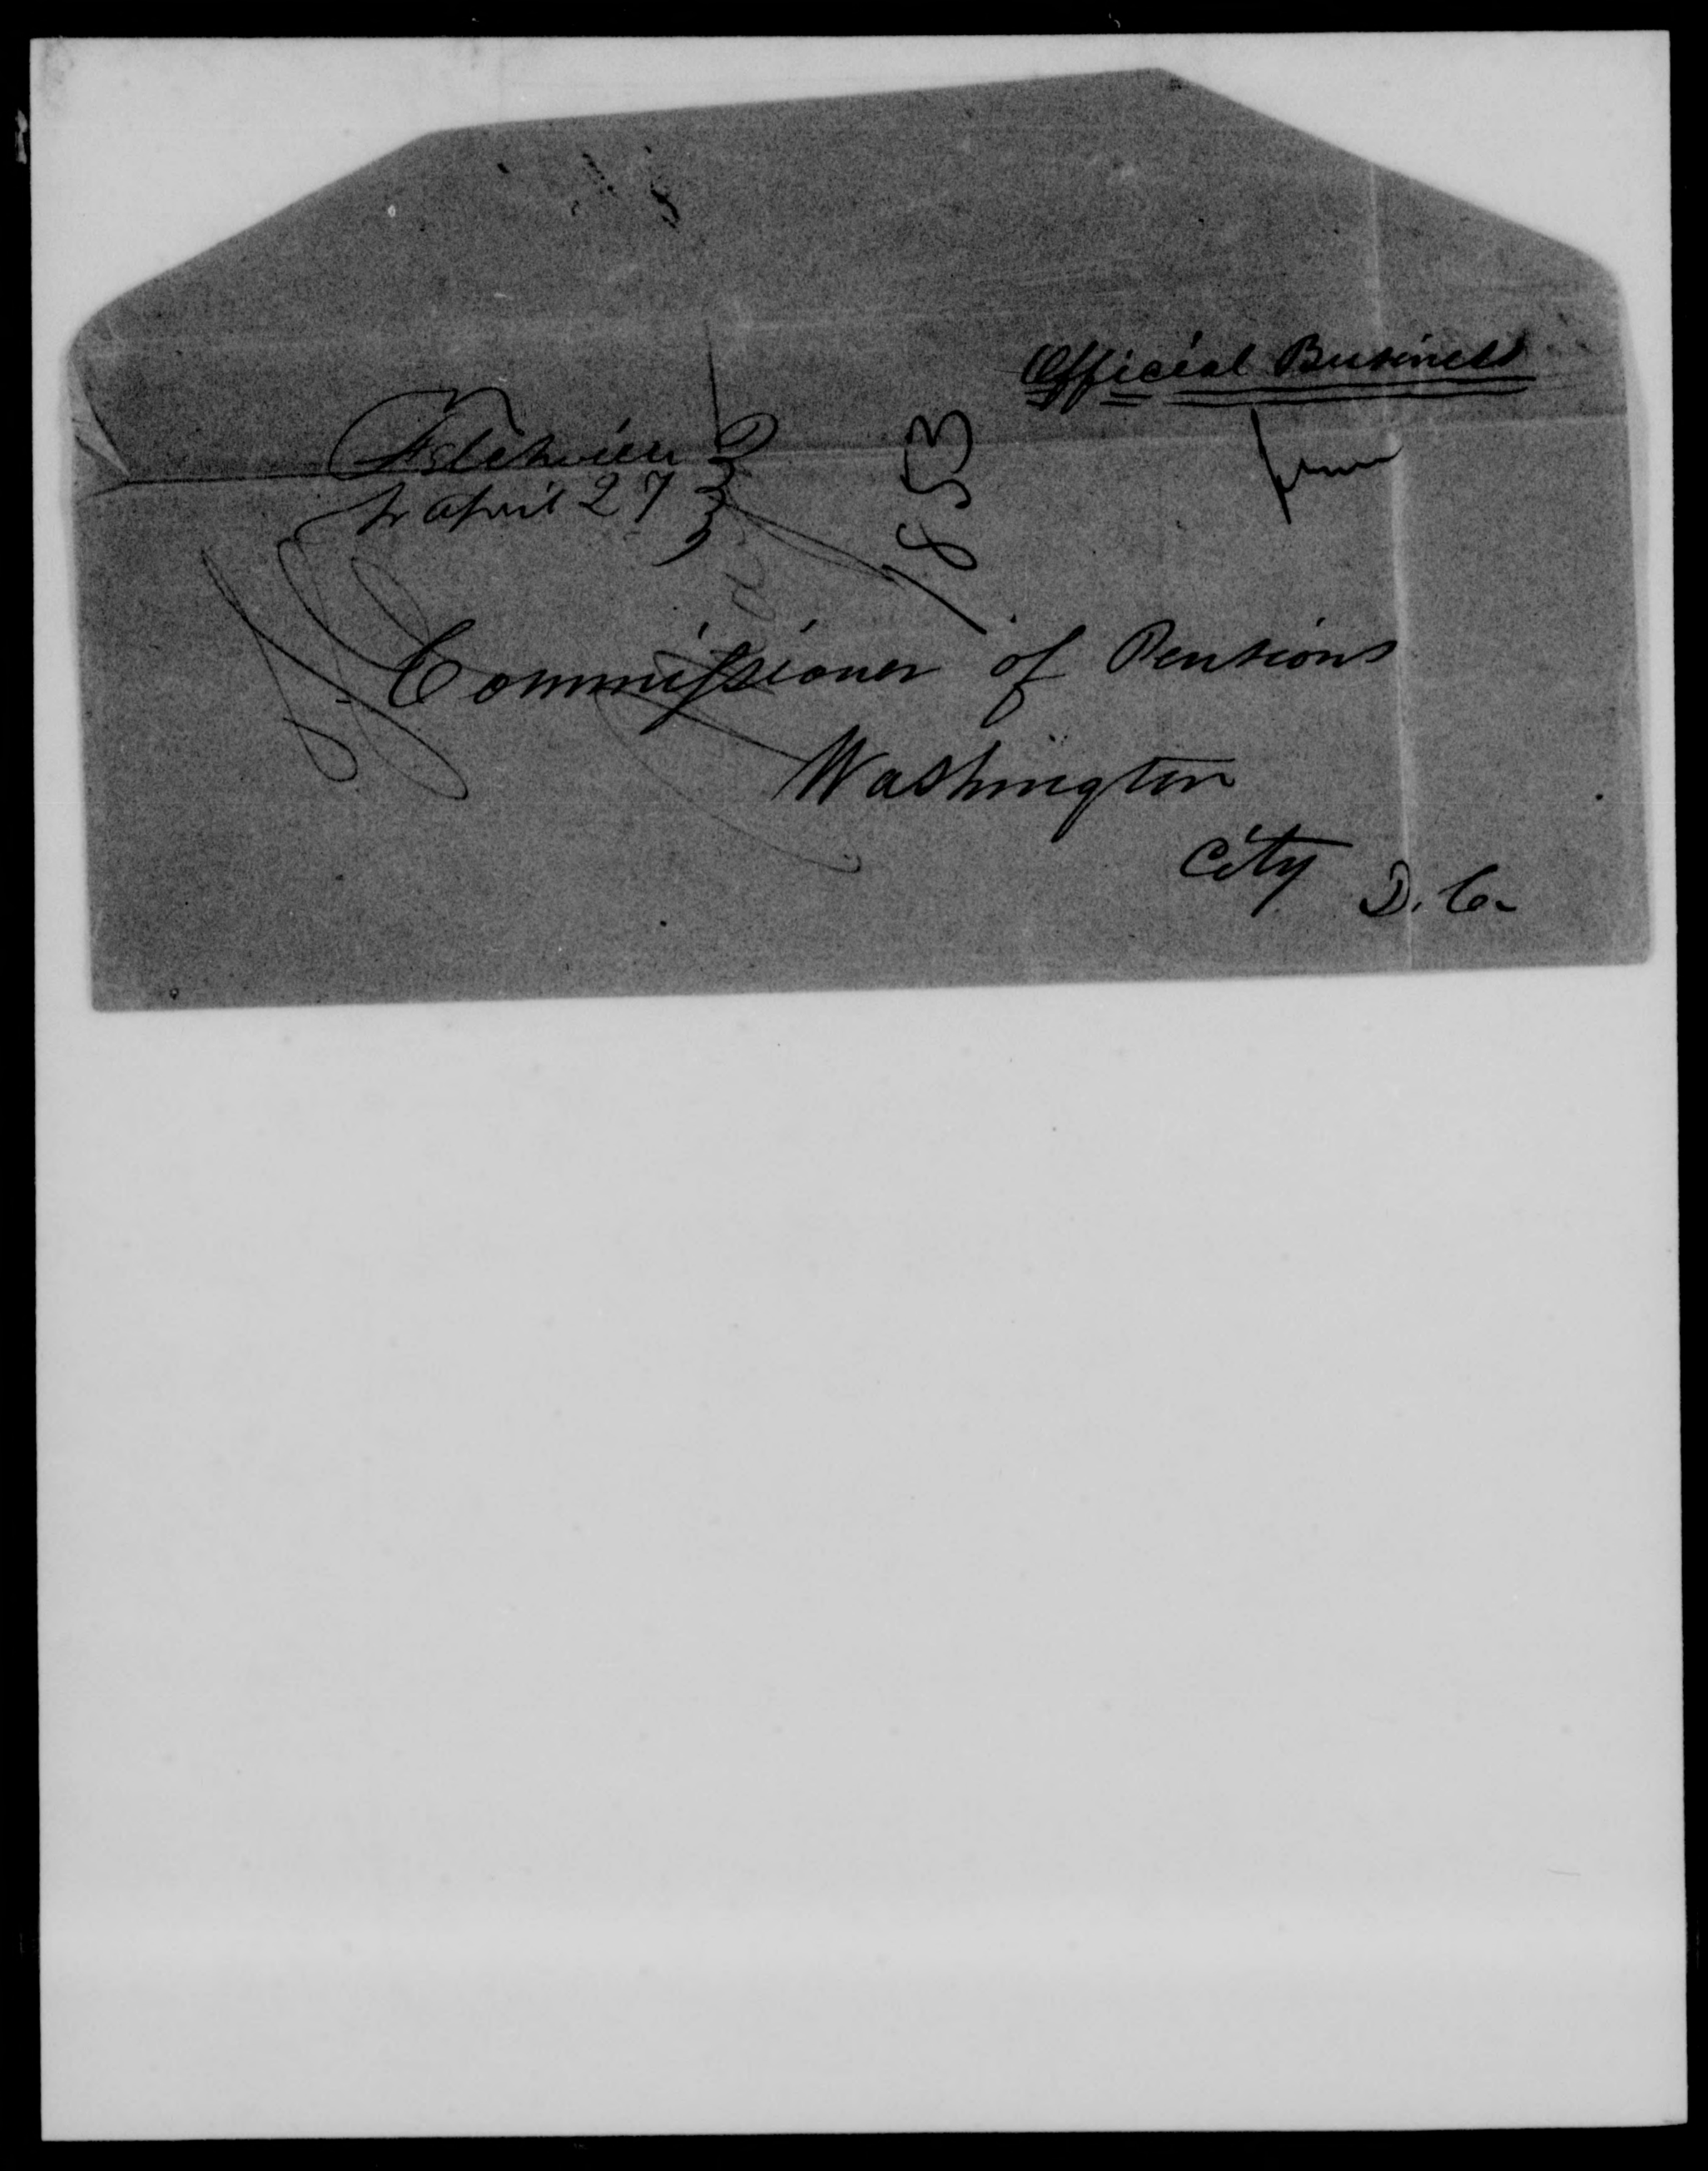Official Business

(illegible)
April 27  1853
Commissioner of Pensions
Washington City D. C.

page: 56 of 66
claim: widow's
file: W. 2468, Amos Wetherbee, Mass.